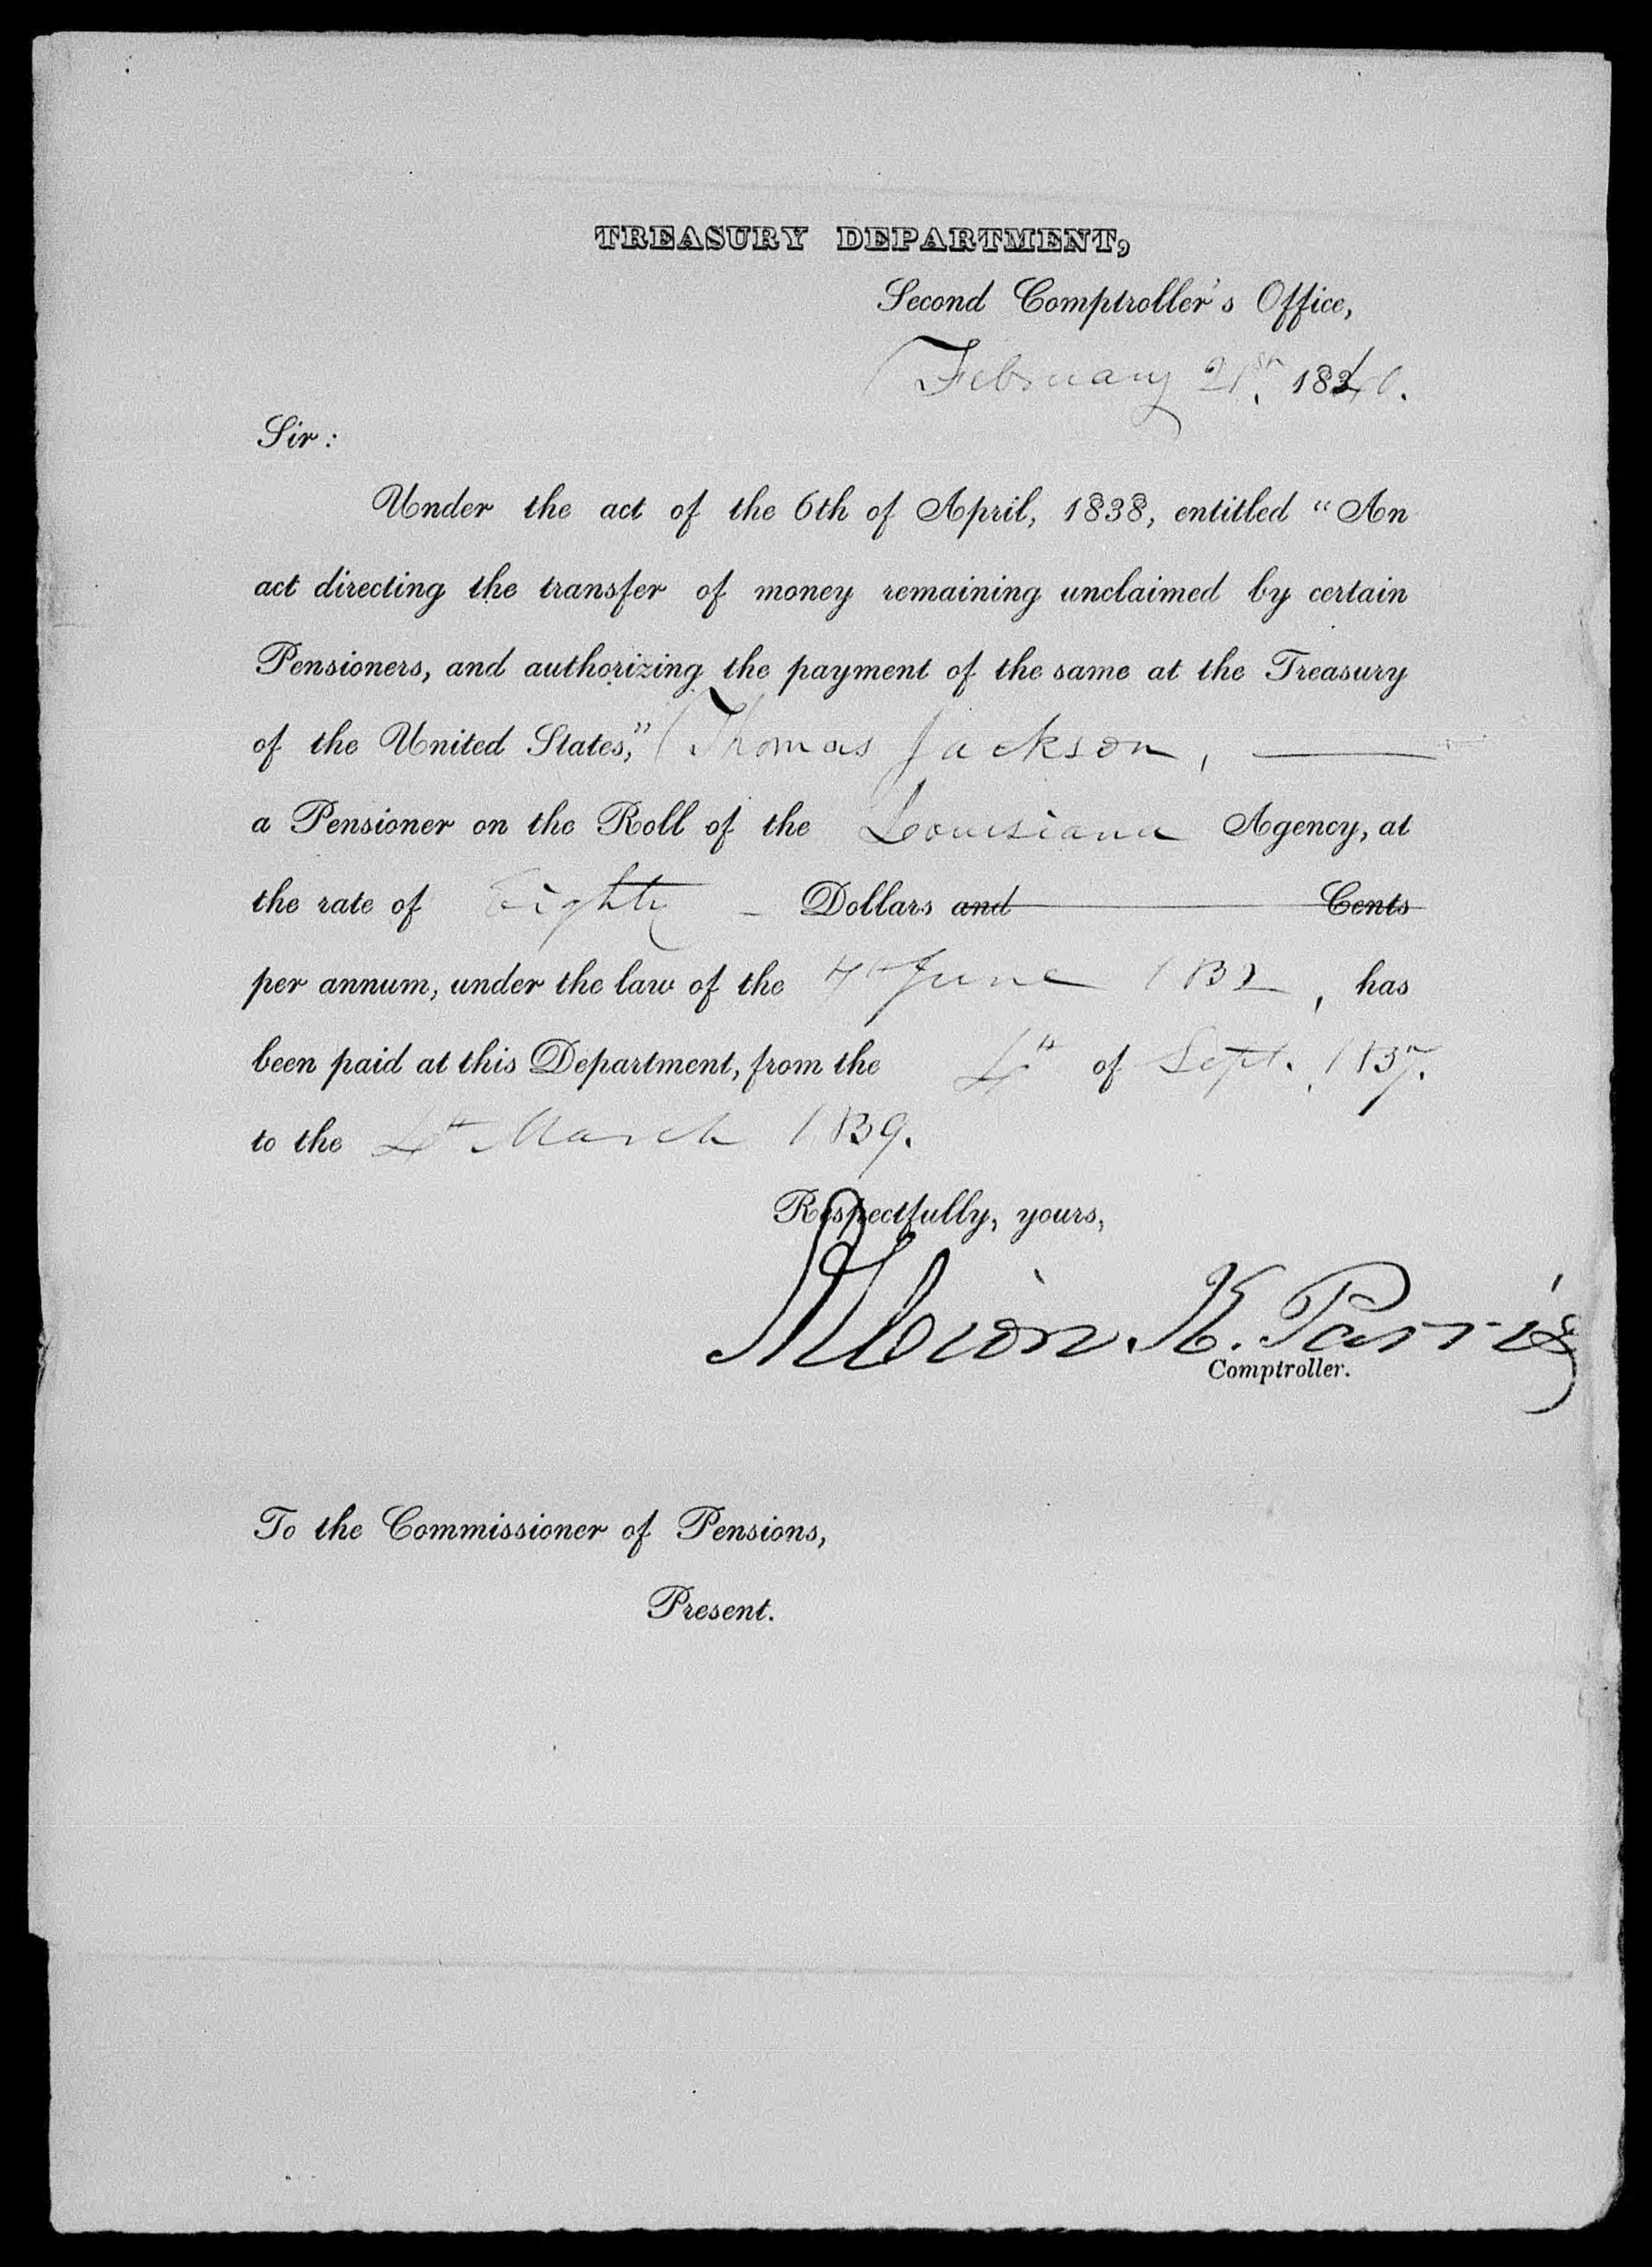TREASURY DEPARTMENT 
Second Comptroller's Office,
February 21st, 1840.

Sir: 

Under the act of the 6th of April, 1838, entitled "An act directing the transfer of money remaining unclaimed by certain
Pensioners, and authorizing the payment of the same at the Treasury
of the United States,"  Thomas Jackson a pensioner on the Roll of Louisiana Agency, at
the rate of Eighty Dollars 
per annum under the law of the 7th June 1832, has
been paid at this Department, from the 4th of Sept. 1837.
to the 4th March 1839.


Respectfully yours,
Albion K. Parris [signature]
Comptroller. 
To the Commissioner of Pensions,
Present.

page: 23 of 54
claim: survivor's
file: S. 31166, for Thomas Jackson, South Carolina